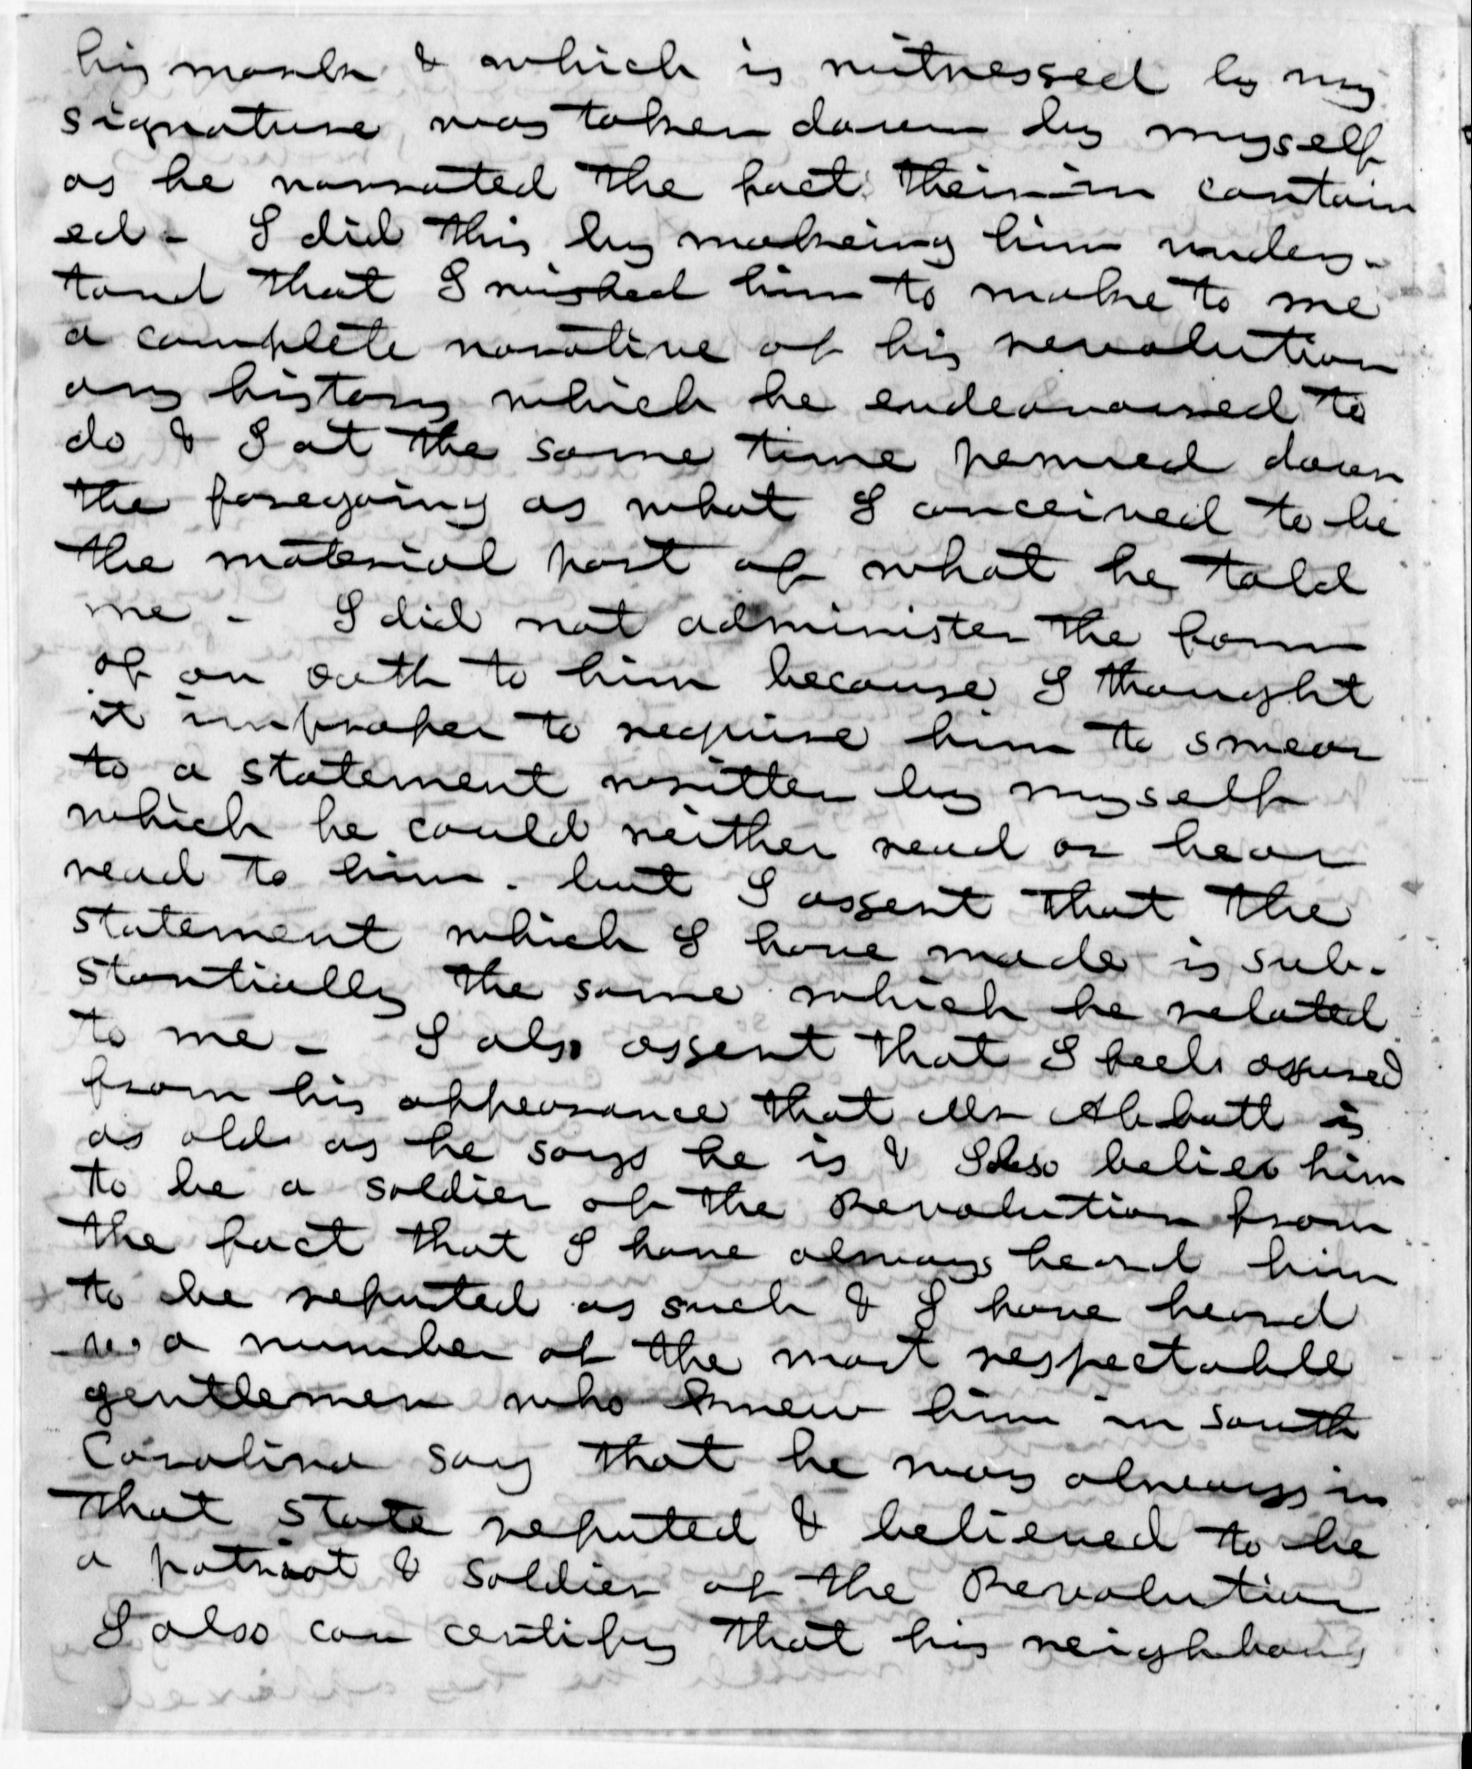his mark & which is witnessed by my signature was taken down by myself as he narrated the fact theirin contained. I did this by makeing him underand that wished him to make to me a complete narative of his revolutionary history which he endeavored to do & I at the same time penned down the foregoing as what I conceived to be the material port at what he told me. I did not administer the form of an oath to him because I thought it improper to require him to swear to a statement written by myself which he could neither read or hear read to him, but I assent that the statement which I have made is substantially the same which he related to me. I also assent that I feel assured from his appearance that Mr Abbott is as old as he says he is & I also believe him to be a soldier of the Revolution from the fact that I have always heard him to be reputed as such & I have heard a number of the most respectable gentlemen who knew him in South Carolina say that he was always in that State the reputed & believed to be a Patriot & soldier at the Revolution I also can certify that his neighbours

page: 17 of 38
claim: survivor's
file: S. 30. 239, William Abbott, S.C.